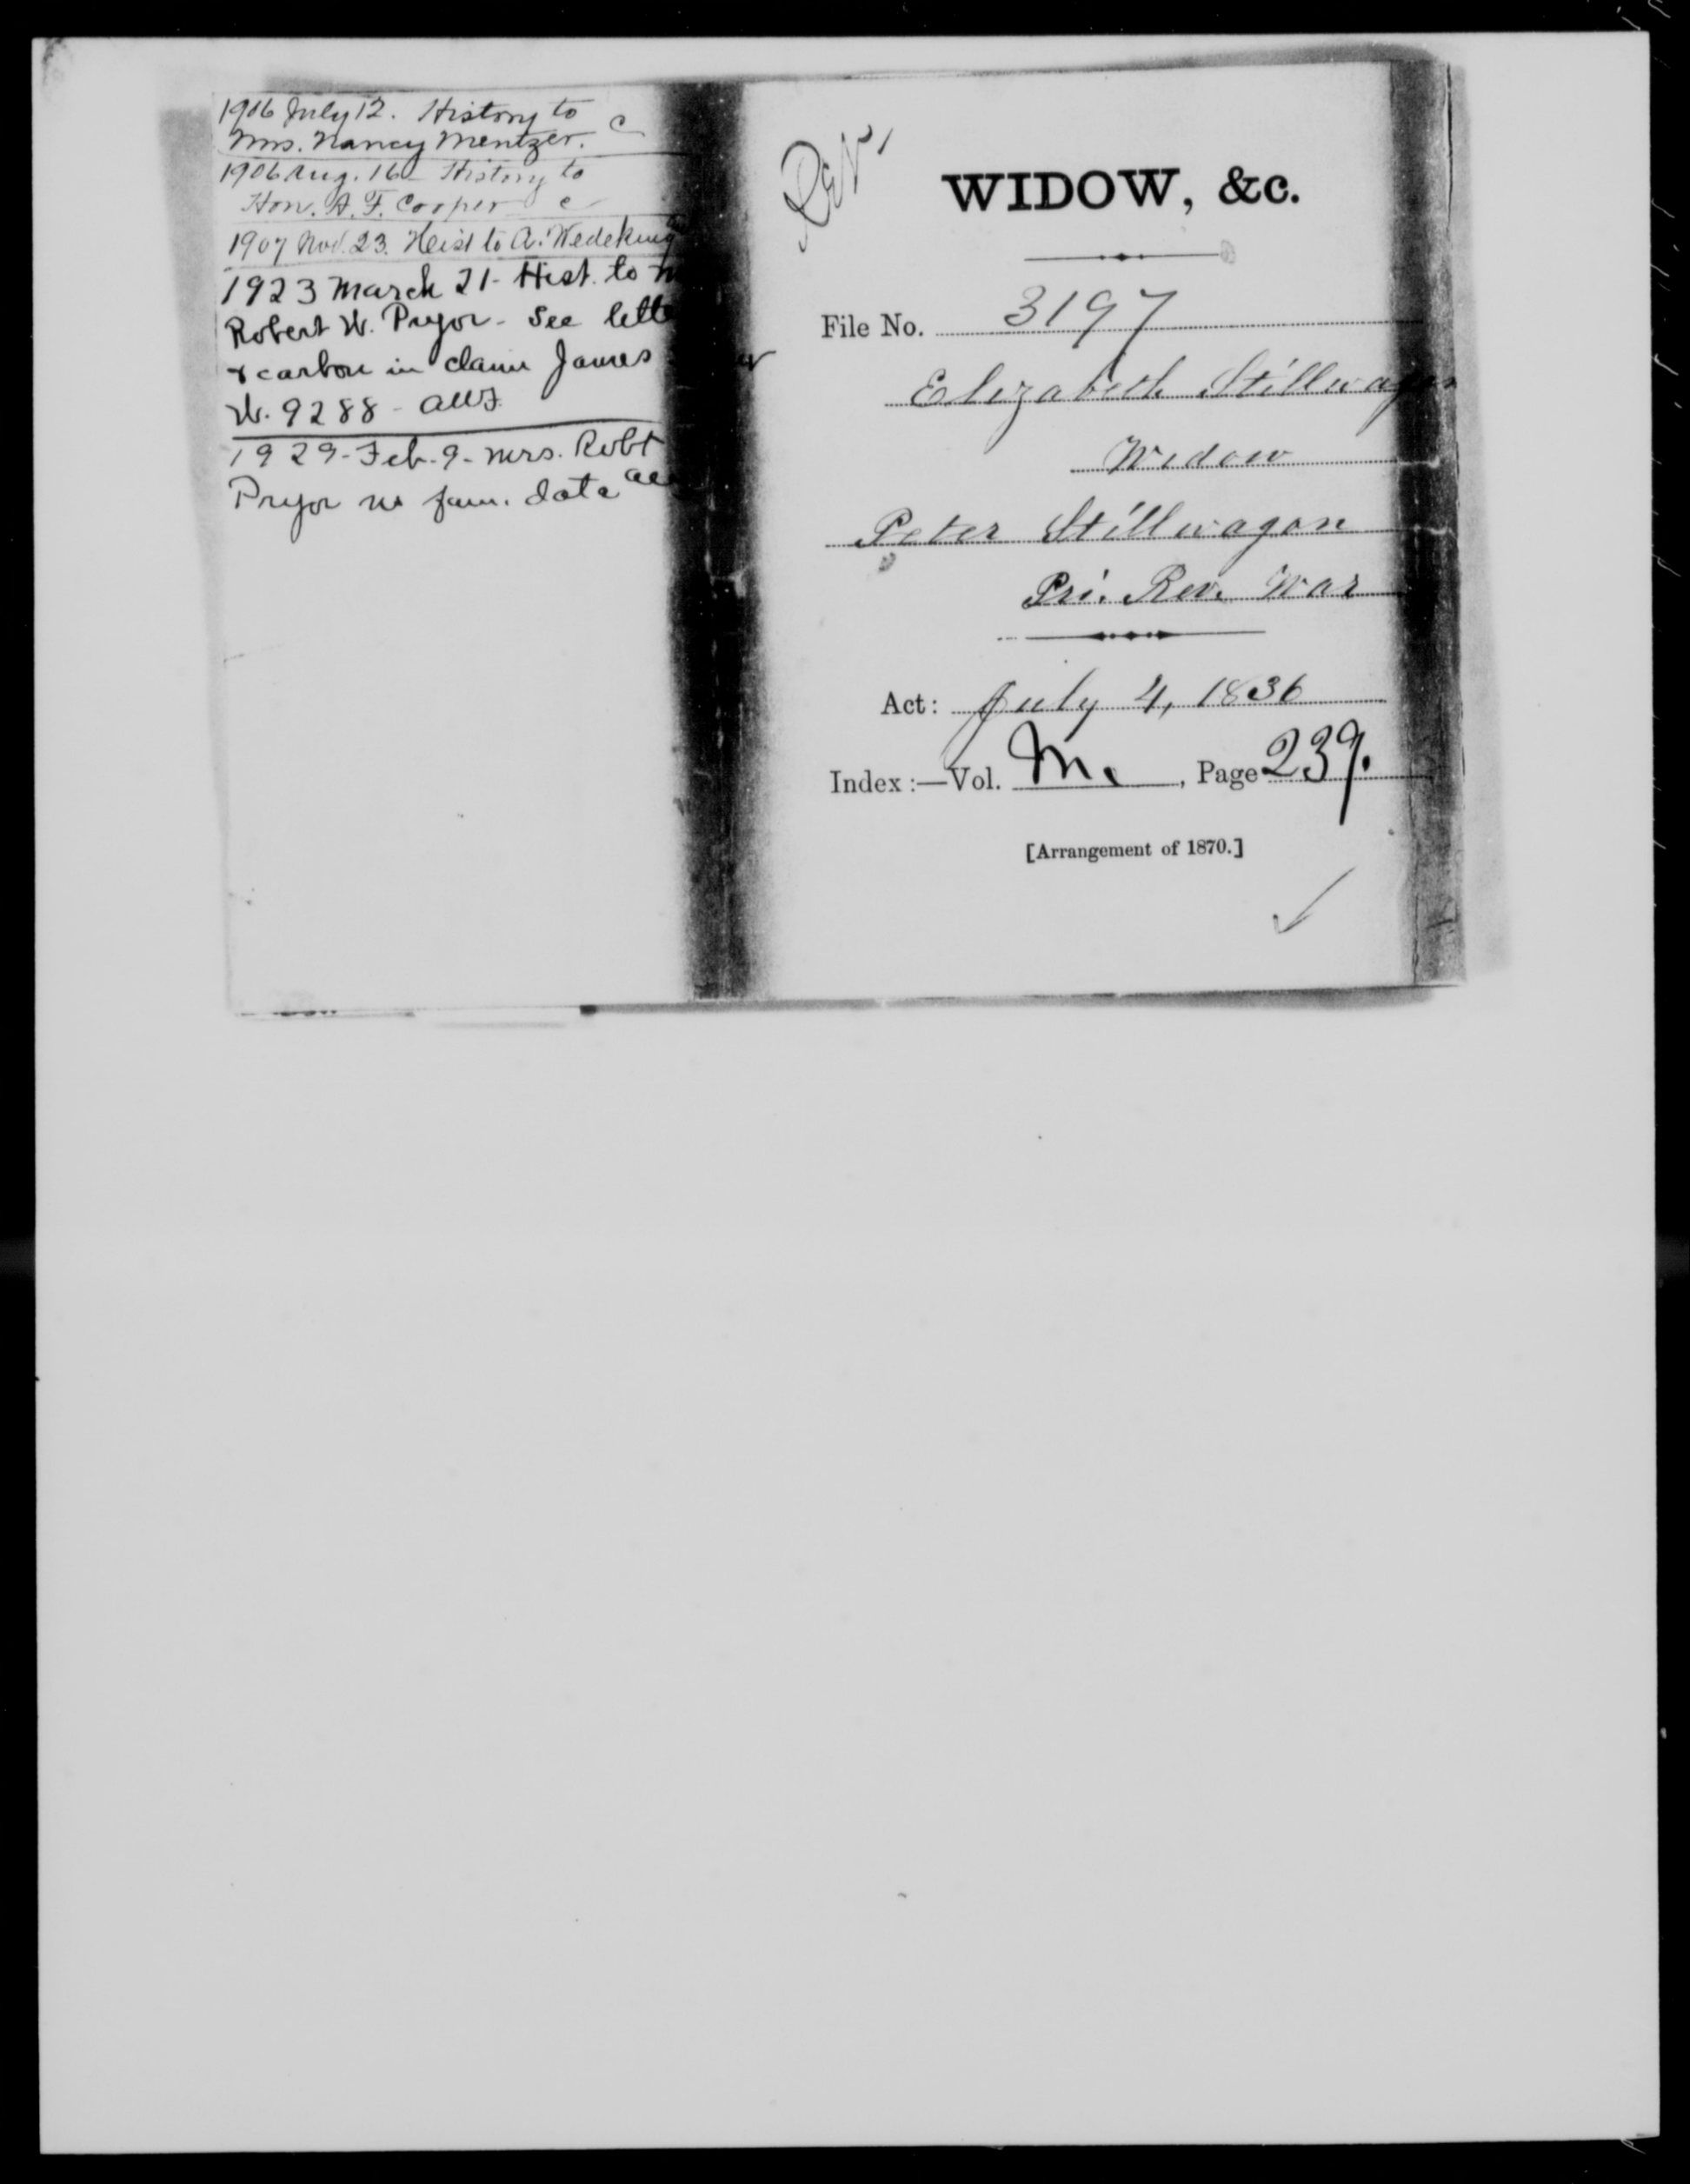[left page]
1906 July 12 History to Mrs Nancy Mentzer 
1906 Aug 16 History to Hon. A. F. Cooper
1907 Nov 23 Hist to A. Wedeking
1923 March 21 Hist to [illegible] Robert. W. Pryor – see letter & carbon in Claim James W. 9288 – AWF
1929 Feb 9 Mrs Robt Pryor no fam date AW

[right page]
RE[illegible]
Widow, &c.
File No. 3197
Elizabeth Stillwagon
Widow
Peter Stillwagon
Pri Rev. War
Act: July 4, 1836
Index:--Vol. [illegible] Page 239
(Arrangement of 1870)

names: Robt W Pryor; A Wedeking; Elizabeth Stillwagon; Robert W Pryor; Peter Stillwagon; Nancy Mentzer; A F Cooper; James [BLANK]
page: 23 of 73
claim: widow's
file: W. 3197, for Peter Stillwagon, New Jersey